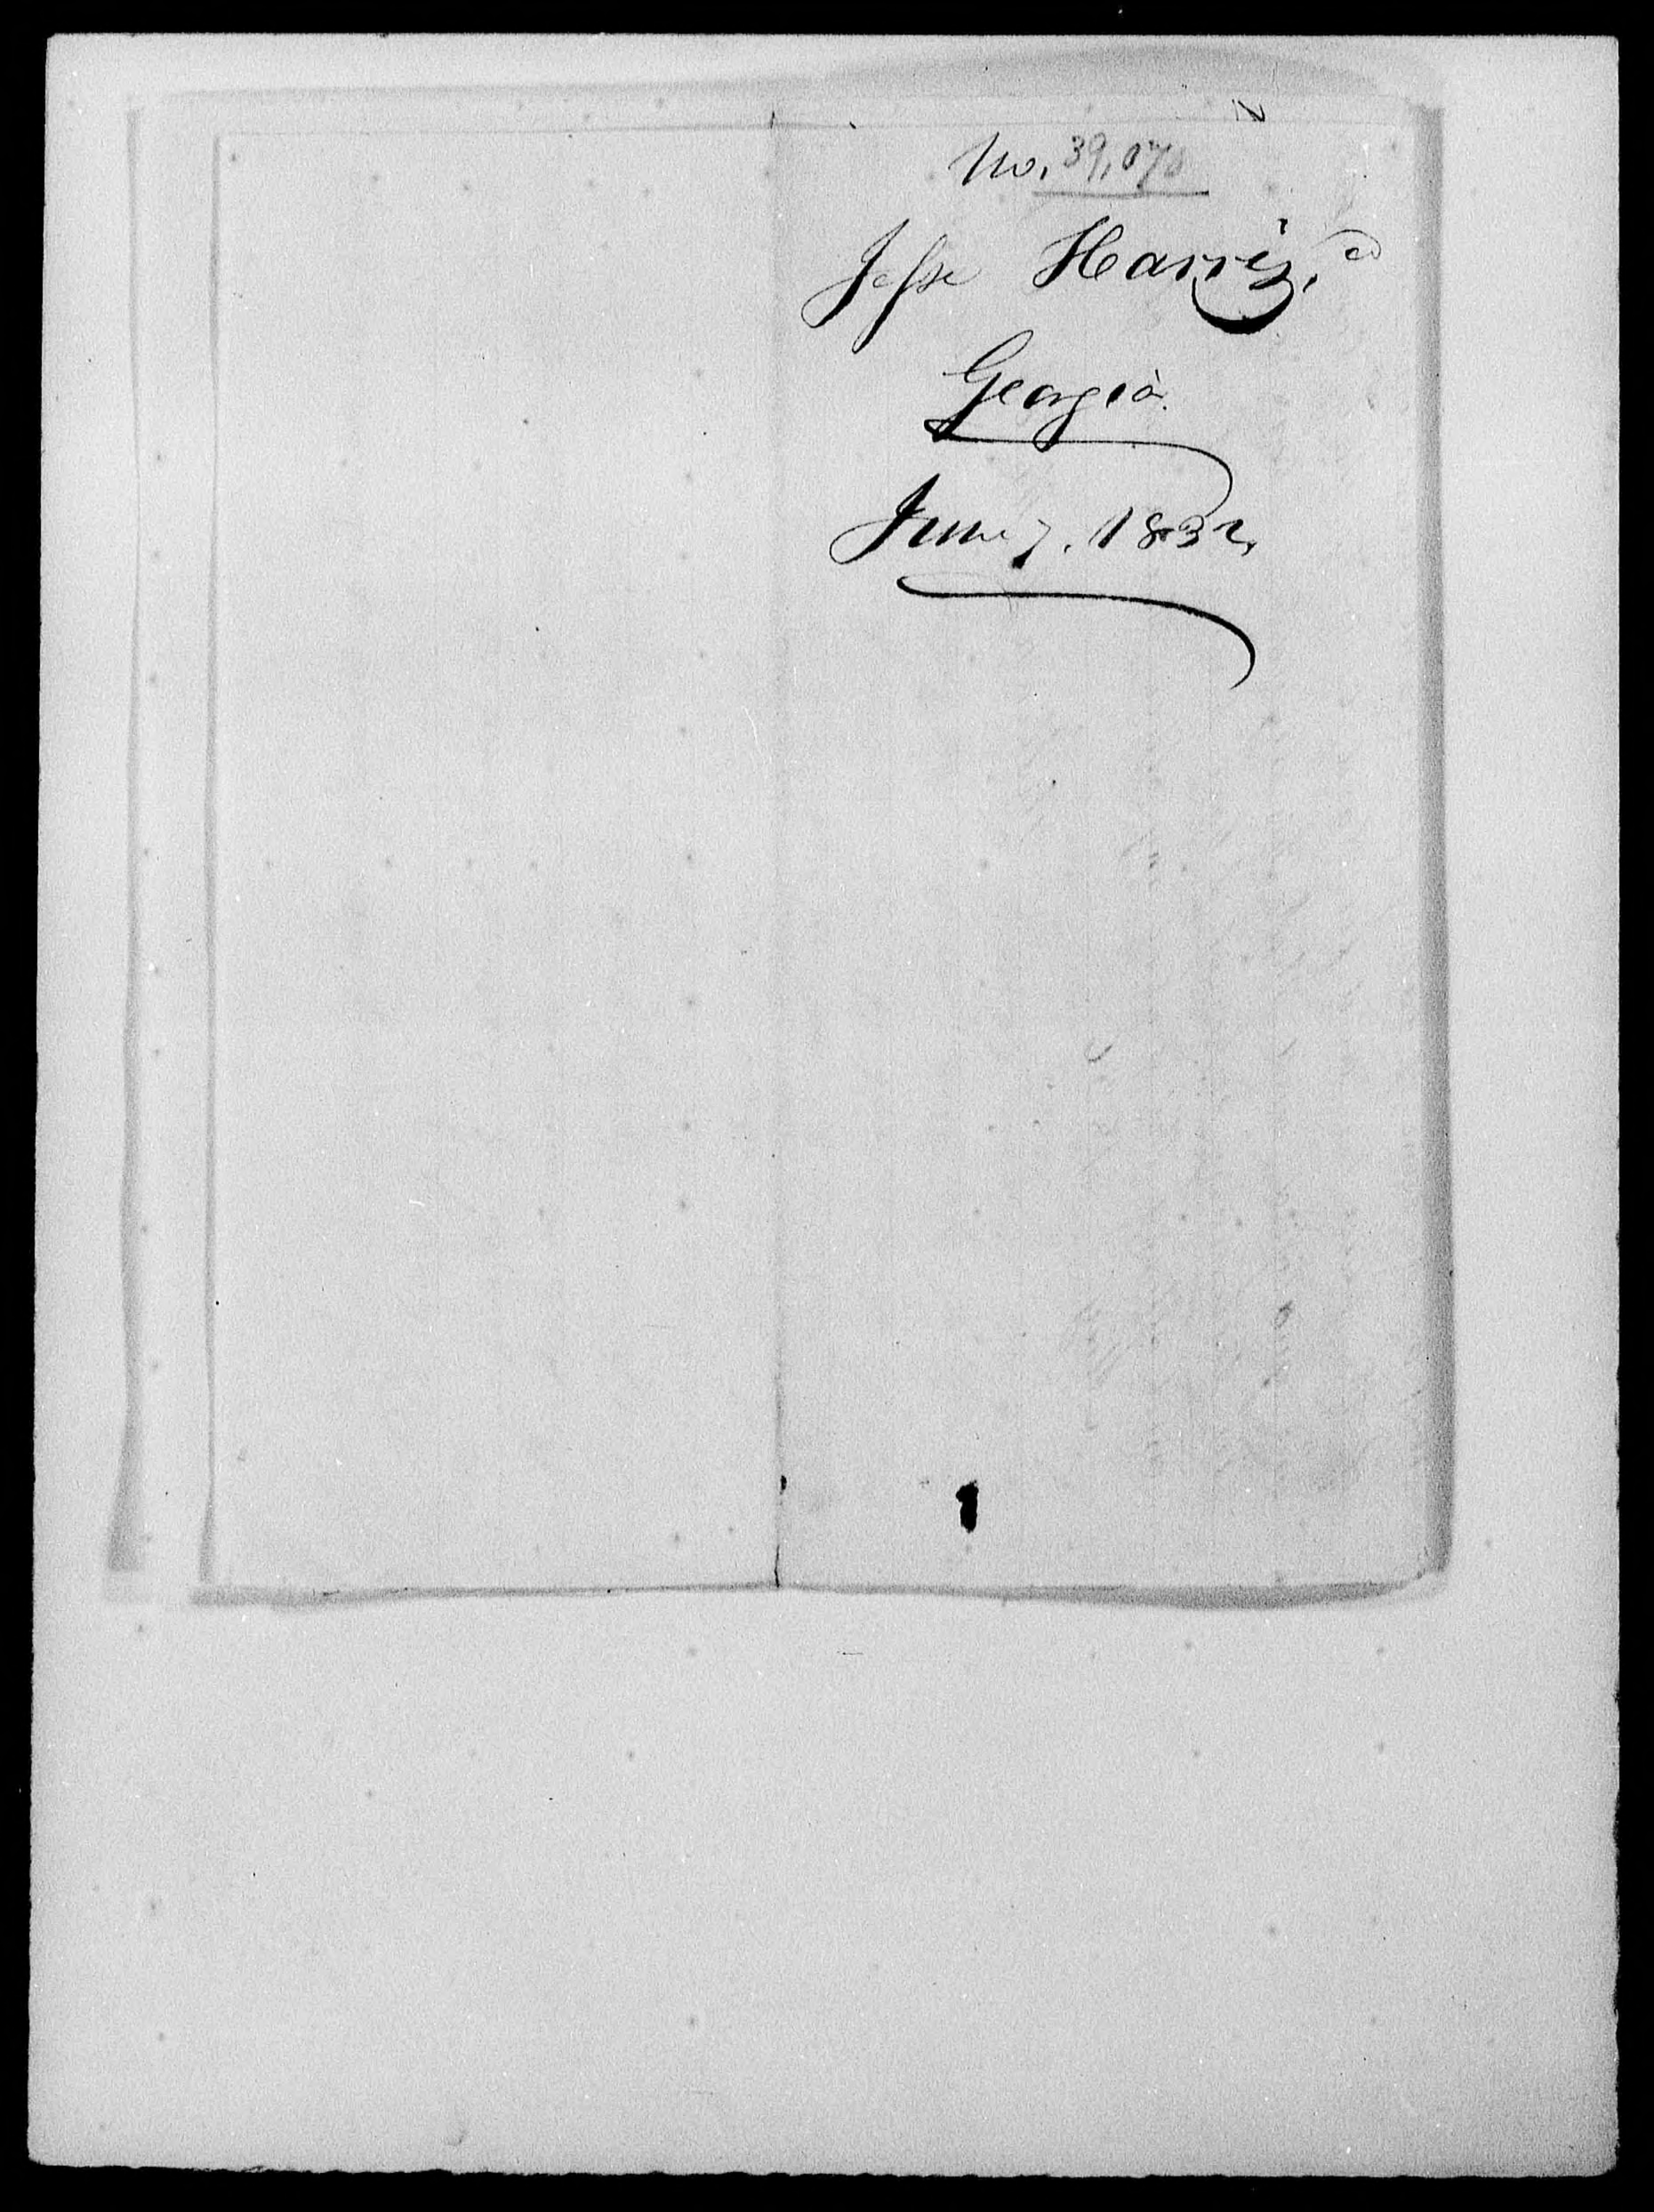No. 39,070
Jesse Harris
Georgia
June 7, 1832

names: Jesse Harris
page: 2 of 32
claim: rejected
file: R. 4655, Jesse Harris, N.C.